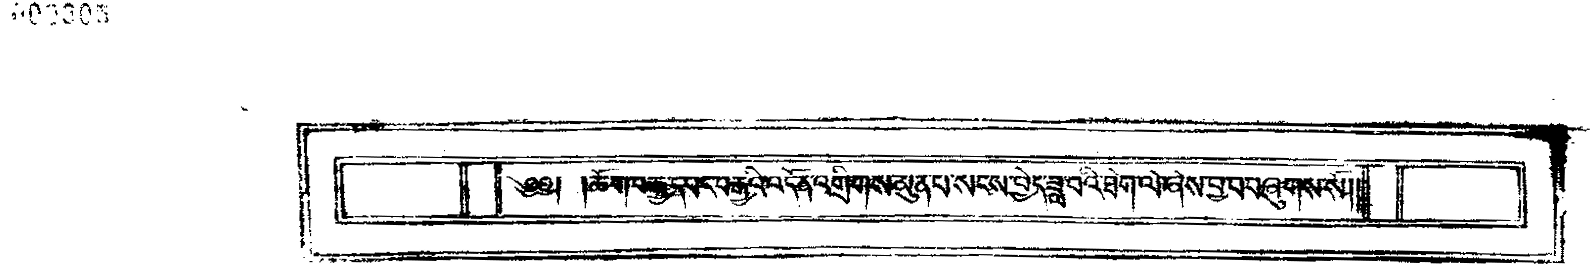༄༅། །ཆོ་ག་བརྒྱ་དབང་བརྒྱའི་འདོན་འགྲིགས་མུན་བསངས་བྱེད་ཟླ་བའི་ཐེག་ལེ་ཞེས་བྱ་བ་བཞུགས་སོ། །